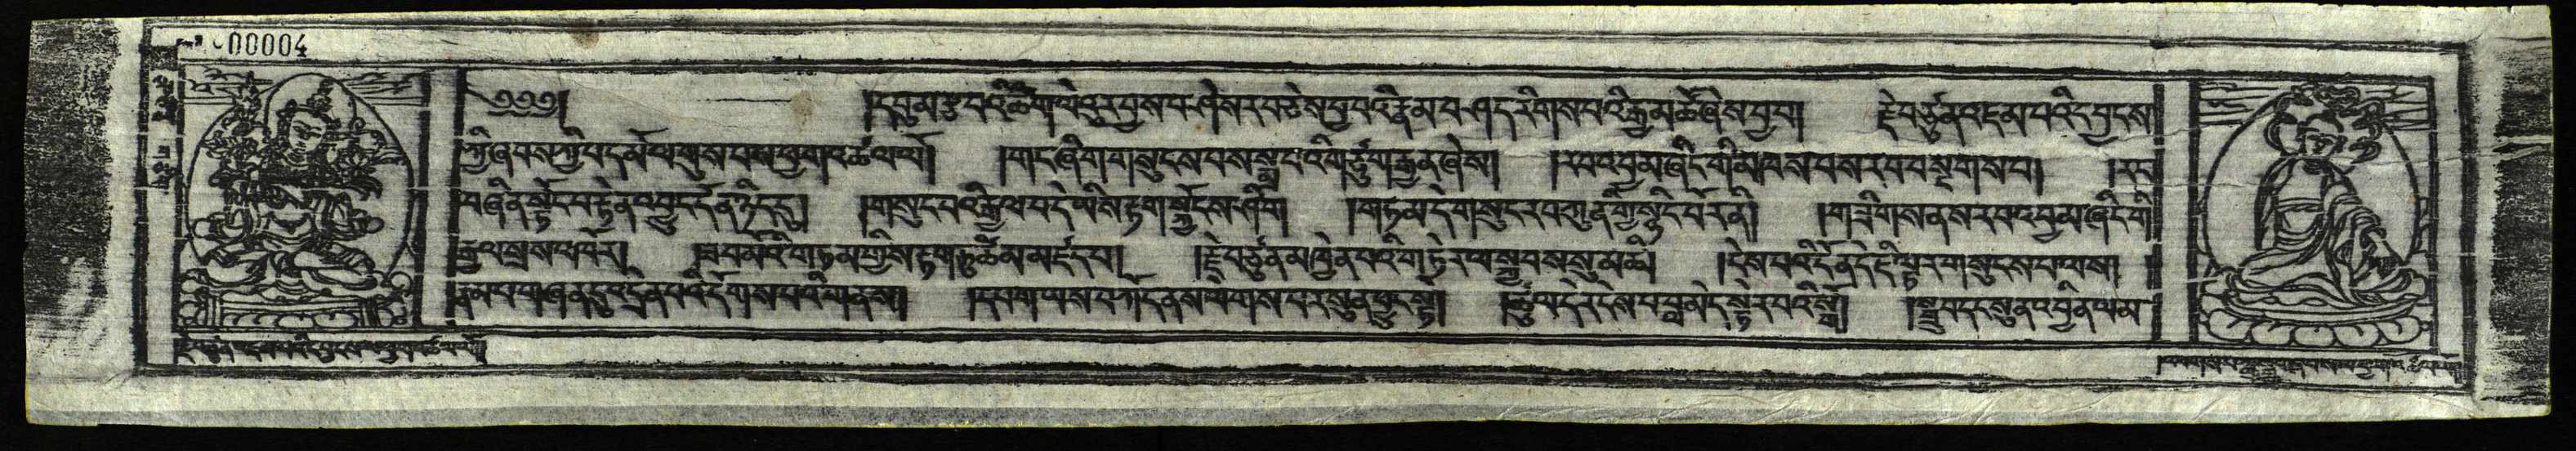༄༅༅། །དབུ་མ་རྩ་བའི་ཚིག་ལེའུར་བྱས་པ་ཤེས་རབ་ཅེས་བྱ་བའི་རྣམ་བཤད་རིགས་པའི་རྒྱ་མཚོ་ཞེས་བྱ་བ། རྗེ་བཙུན་འཇམ་པའི་དབྱངས་
ཀྱི་ཞབས་ཀྱི་པད་མོ་ལ་གུས་པས་ཕྱག་འཚལ་ལོ། །གང་ཞིག་གསུངས་བས་སྨྲ་བའི་གཙུག་རྒྱན་ཞེས། །རབ་འབྱམ་ཞིང་གི་མཁས་པས་རབ་བསྔགས་པ། །རང་
བཞིན་སྟོང་པ་རྟེན་འབྱུང་དོན་ཉིད་དུ། །གསུང་བའི་རྒྱལ་བ་དེ་ཡིས་རྟག་སྐྱོངས་ཤིག །གཏམ་དེ་གསུང་རབ་ཀུན་གྱི་སྙིང་པོར་ནི། །གཟིགས་ནས་རབ་འབྱམ་ཞིང་གི་
རྒྱལ་སྲས་འཁོར། །ཟབ་མོའི་གཏམ་གྱིས་རྟག་ཏུ་ཚིམ་མཛད་པ། །རྗེ་བཙུན་མཁྱེན་པའི་གཏེར་ལ་སྐྱབས་སུ་མཆི། །ངེས་པའི་དོན་དེ་ཇི་ལྟར་གསུངས་པ་ལས། །
རྣམ་པ་གཞན་དུ་འདྲིན་པའི་དོགས་པའི་གནས། །དཔག་ལས་བཀོད་ནས་ལེགས་པར་སུན་ཕྱུང་སྟེ། །ཚུལ་དེར་ངེས་པ་བླ་མེད་སྟེར་བའི་སྒོ། །སྒྲུབ་དང་སུན་འབྱིན་ལམ་